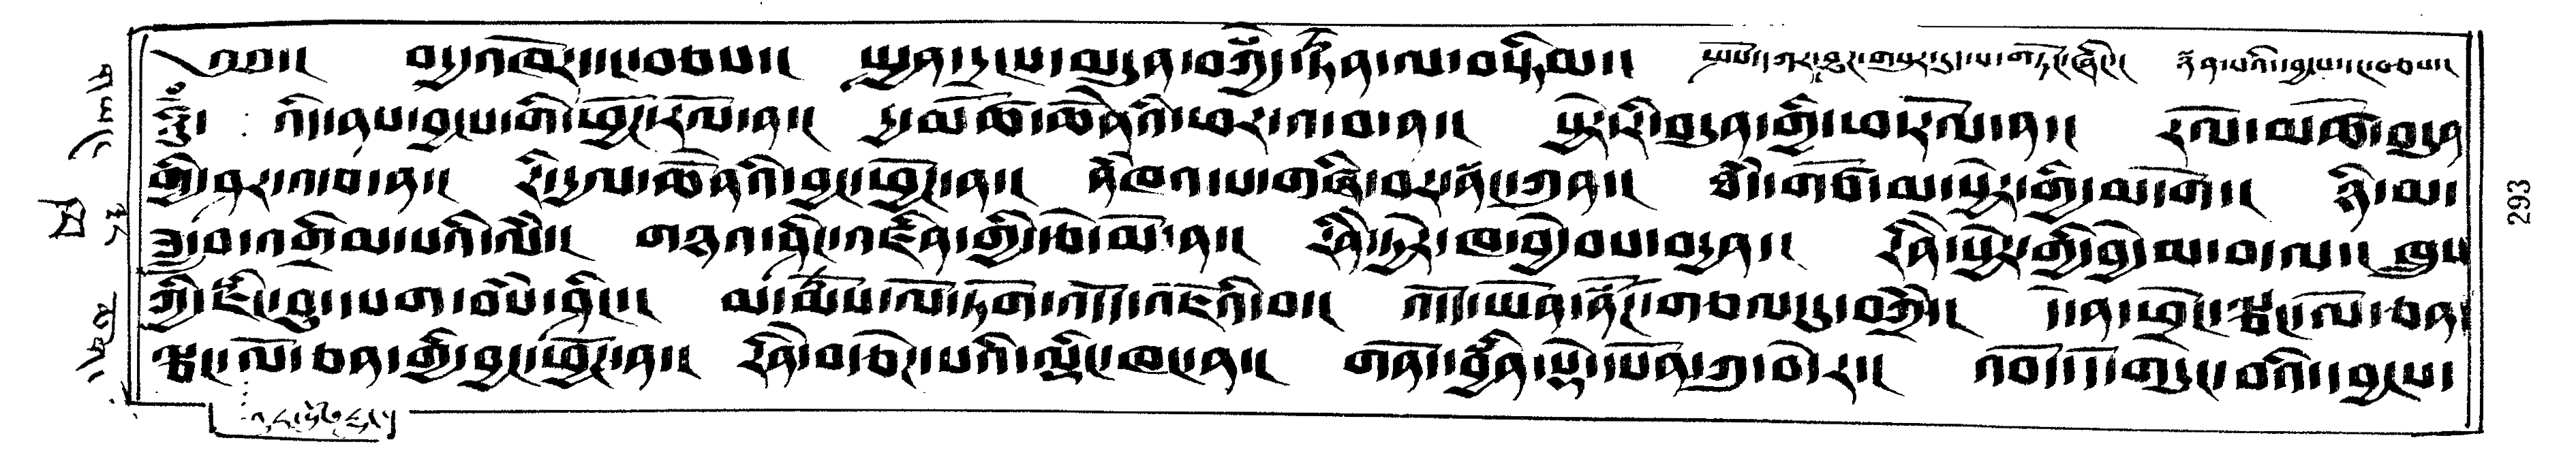བརྒྱ་འཁོར་དང་བཅས། །སྤྱན་དྲངས་མདུན་བསྐྱེད་རྟེན་ལ་བསྟིམ། སྤོས་དཀར་དང་ཤུག་གསུར་གྱི་དུབ་གཏོང་ཞིང་སྙན་པའི་དབྱངས་དང་བཅས། 
ཧཱུྃ། འདི་ནས་བྱང་གི་ཕྱོགས་རོལ་ན། །རྒྱ་མཚོ་ཆེན་པོའི་ཕར་འདབས་ན། །གསེར་རི་བདུན་གྱི་ཕ་རོལ་ན། །རོལ་མཚོ་བདུན་
གྱི་ཤར་འདབས་ན། །རི་རྒྱལ་ཆེན་པོའི་བྱང་ཕྱོགས་ན། །ནམ་མཁའ་ས་གཞི་བར་སྣང་ཀུན། །ཐམས་ཅད་གཙོ་མ་གསེར་གྱི་མདོག །ཉི་མ་
ཟླ་བ་འགྲིམ་པའི་ལམ། །གཉའ་ཤིང་འཛིན་གྱི་རྩེ་མོ་ན། །རིན་ཆེན་གཏེར་ཁ་བྱེ་བས་བརྒྱན། །རིན་ཆེན་གསེར་གྱི་བྱེ་མ་བརྡལ། །ཁྲུས་
ཀྱི་རྫིང་བུ་དཔག་བསམ་ཤིང་། །མ་རྨོས་ལོ་ཏོག་འདོད་འཇོའི་བ། །འདོད་ཡོན་སྣ་ཚོགས་གཅལ་དུ་བཀྲམ། །དེ་ན་ཕོ་བྲང་ལྕང་ལོ་ཅན། 
ལྕང་ལོ་ཅན་གྱི་བྱང་ཕྱོགས་ན། རིན་ཆེན་བརྩེགས་པའི་ལྡིང་ཁང་ན། །གནོད་སྦྱིན་སྡེ་དཔོན་ཀུ་བེ་ར། །འབོད་དོ་གདུང་བའི་དབྱངས་